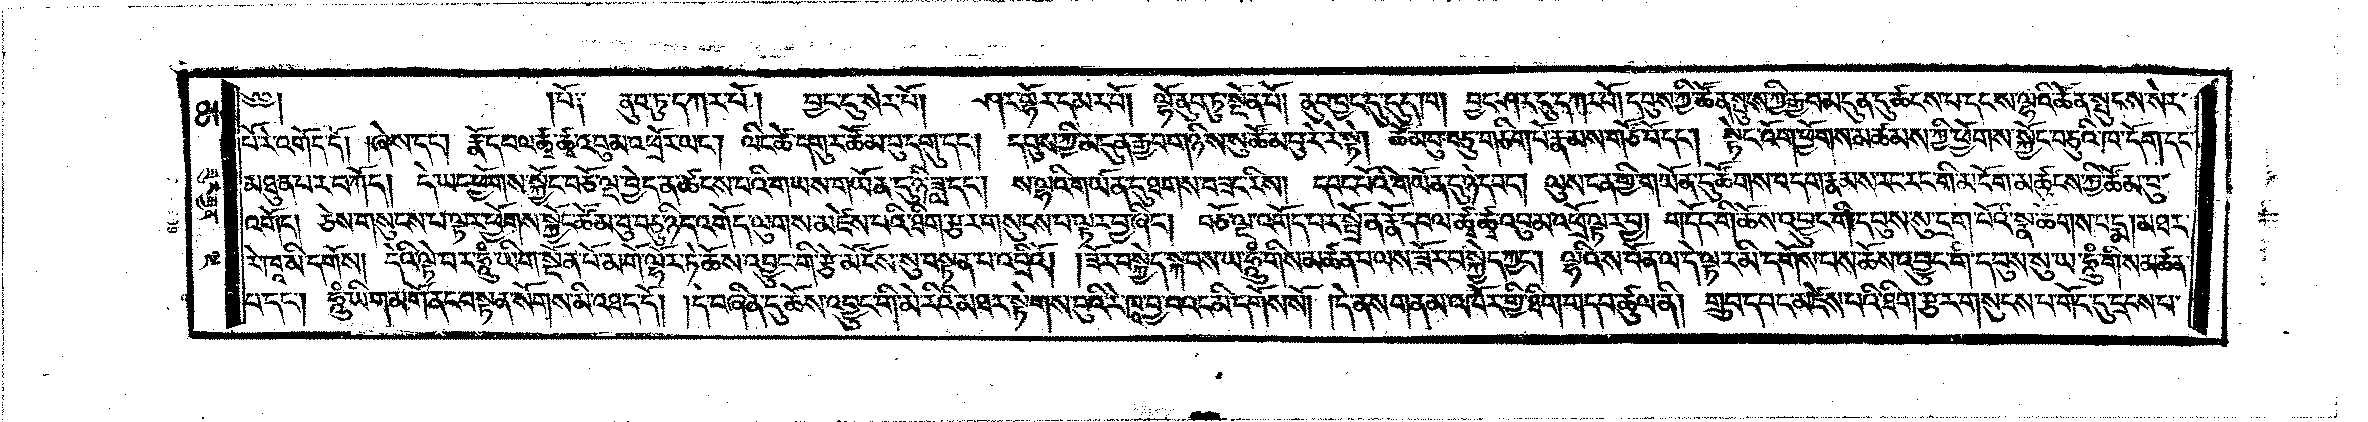༄༅། །པོ༑ ནུབ་ཏུ་དཀར་པོ། བྱང་དུ་སེར་པོ། ཤར་ལྷོར་དམར་པོ། ལྷོ་ནུབ་ཏུ་སྔོན་པོ། ནུབ་བྱང་དུ་དུད་ཁ། བྱང་ཤར་དུ་དཀར་པོ། དབུས་ཀྱི་ཚོན་སྤུངས་ཀྱི་རྒྱབ་མདུན་དུ་ཚངས་པ་དང་ས་ལྷའི་ཚོན་སྤུངས་སེར་
པོ་རེ་འགོད་དོ། །ཞེས་དང་། རྣོད་བལ་ཚྭ་ཚྭ་འབུམ་འཕྲོར་ཡང་། ལིང་ཚེ་དགུར་ཚོམ་བུ་དགུ་དང་། དབུས་ཀྱི་མདུན་རྒྱབ་གཉིས་སུ་ཚོམ་བུ་རེ་རེ་སྟེ། ཚོམ་བུ་བཅུ་གཅིག་པོ་རྣམས་གཙོ་བོ་དང་། སྟེང་འོག་ཕྱོགས་མཚམས་ཀྱི་ཕྱོགས་སྐྱོང་བཅུའི་ཁ་དོག་དང་
མཐུན་པར་བཀོད། དེ་ཡང་ཕྱོགས་སྐྱོང་བཅོ་ལྔ་བྱེད་ན་ཚངས་པའི་གཡས་གཡོན་དུ་ཉི་ཟླ་དང་། ས་ལྷའི་གཡོན་དུ་ཐགས་བཟང་རིས། །དབང་པོའི་གཡོན་དུ་ཉེ་དབང་། ལུས་ངན་གྱི་གཡོན་དུ་ཚོགས་བདག་རྣམས་རང་རང་གི་མདོག་མཚུངས་ཀྱི་ཚོམ་བུ་
འགོད། ཅེས་གསུངས་པ་ལྟར་ཕྱོགས་སྐྱོང་ཚོམ་བུ་བཅུ་ཉིད་འགོད་ལུགས་མཛེས་པའི་ཐིག་རྩར་གསུངས་བ་ལྟར་བྱ་ཞིང་། བཅོ་ལྔ་འགོད་པར་སྤྲོན་རྣོ་དཔལ་ཚྭ་ཚྭ་འབུམ་འཕྲོ་ལྟར་བྱ། གདོང་གི་ཆོས་འབྱུང་གི་དབུས་སུ་དྲག་པོའི་སྣ་ཚོགས་པདམ། མཐར་
རེ་ཁཱ་མི་དགོས། དེའི་ལྟེ་བར་ཧཱུཾ་ཡིག་སྔོན་པོ་མགོ་ལྷོར་ཏེ་ཆོས་འབྱུང་གི་རྩེ་མོ་ངོས་སུ་བསྟན་པ་འབྲིའོ། །ཟོར་བསྐྱེད་སྐབས་ཡ་ཧཱུཾ་གིས་མཚན་པ་ལས་ཟོར་བསྐྱེད་ཀྱང་། ལྷའི་ས་བོན་ལ་དེ་ལྟར་མི་དགོས་པས་ཆོས་འབྱུང་གི་དབུས་སུ་ཡ་ཧཱུཾ་གིས་མཚན་
པ་དང་། ཧཱུཾ་ཡིག་མགོ་ནང་བསྟན་སོགས་མི་འཐད་དོ། །དེ་བཞིན་དུ་ཆོས་འབྱུང་གི་མེ་རིའི་མཐར་སྟེགས་བུའི་རེ་ཁཱ་བྱ་བའང་མི་དགོས་སོ། །དེ་ནས་གནམ་འཁོར་གྱི་ཐིག་གདབ་ཚུལ་ནི། གྲུབ་དབང་མཛེས་པའི་ཐིག་རྩར་གསུངས་པ་གོང་དུ་དྲངས་པ་